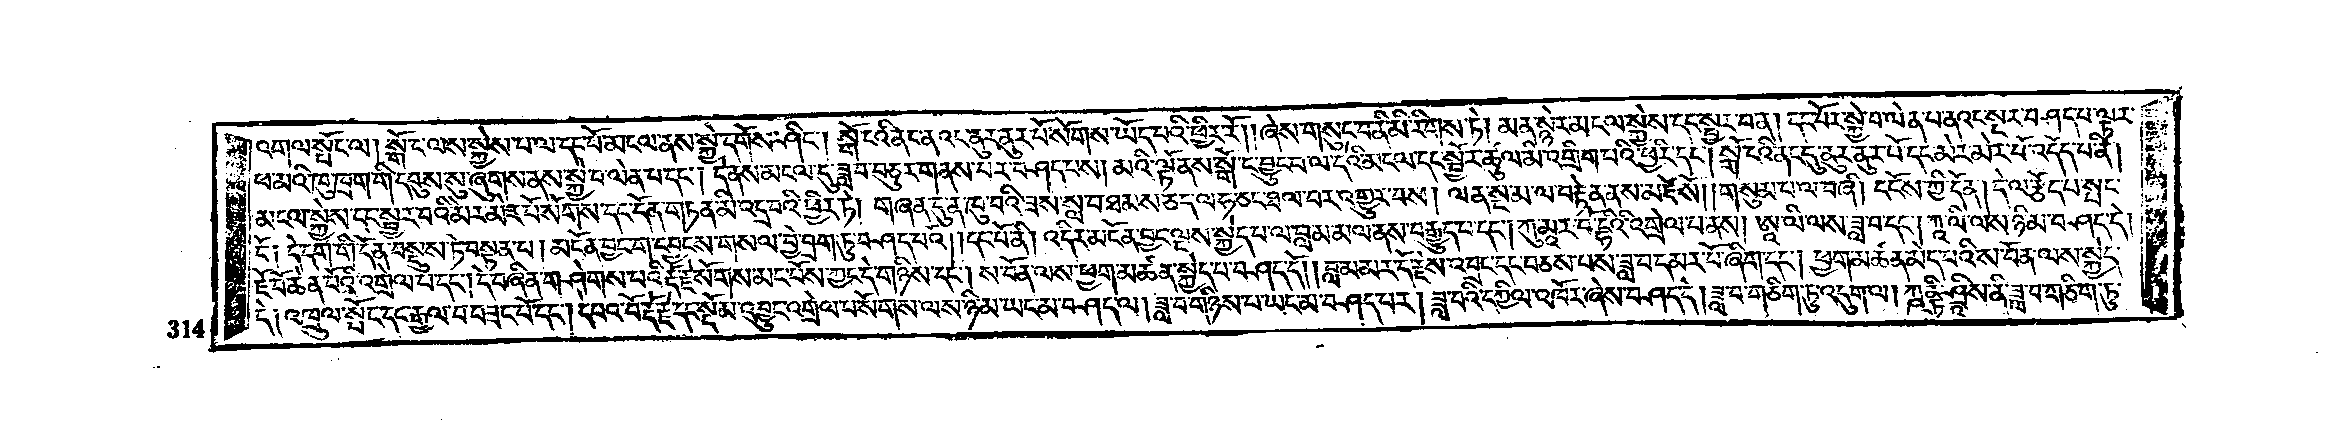འགལ་སྤོང་ལ། སྒོ་ང་ལས་སྐྱེས་པ་ལ་དང་པོ་མངལ་ནས་སྐྱེ་དགོས་ཤིང་། སྒོ་ངའི་ནང་ནའང་ནུར་ནུར་པོ་སོགས་ཡོད་པའི་ཕྱིར་རོ། །ཞེས་གསུང་པ་ནི་མི་རིགས་ཏེ། མན་སྙེར་མངལ་སྐྱེས་དང་སྦྱར་བ་ན། དང་པོར་སྐྱེ་བ་ལེན་པ་ནའང་སྔར་བཤད་པ་ལྟར་
ཕ་མའི་ཁུ་ཁྲག་གི་དབུས་སུ་ཞུགས་ནས་སྐྱེ་བ་ལེན་པ་དང་། དེ་ནས་མངལ་དུ་ཟླ་བ་བཅུར་གནས་པར་བཤད་པས། མའི་ལྟོ་ནས་སྒོ་ང་བྱུང་བ་ལ་དེའི་མངལ་དང་སྦྱོར་ཚུལ་མི་འགྲིག་པའི་ཕྱིར་དང་། སྒོ་ངའི་ནང་དུ་ནུར་ནུར་པོ་དང་མེར་མེར་པོ་འདོད་པ་ནི།
མངལ་སྐྱེས་དང་སྦྱར་བའི་མེར་མེར་པོ་སོགས་དང་དོན་གཏན་མི་འདྲ་བའི་ཕྱིར་ཏེ། གཞན་དུ་ན་ཁུ་བའི་ཟས་སླ་བ་ཐམས་ཅད་ལ་ཧ་ཅང་ཐལ་བར་འགྱུར་བས། ལན་སྔ་མ་ལ་བརྟེན་ནས་མཛེས་སོ། །གསུམ་པ་ལ་བཞི། དངོས་ཀྱི་དོན། དེ་ལ་རྩོད་པ་སྤང་
བ། དེ་དག་གི་དོན་བསྡུས་ཏེ་བསྟན་པ། མངོན་བྱང་གི་དབྱངས་དྷིའི་འགྲེལ་པ་ནས། ཨཱ་ལི་ལས་ཟླ་བ་དང་། ཀཱ་ལི་ལས་ཉི་མ་ལྔས་སྐྱེད་པ་ལ་བླ་མ་མལ་ནས་བརྒྱུད་པ་དང་། ཀུ་མཱ་ར་བོ་དྷིའི་འགྲེལ་པ་ནས། ཨཱ་ལི་ལས་ཟླ་བ་དང་། ཀཱ་ལི་ལས་ཉི་མ་བཤད་དེ།
ཇོ་བོ་ཆེན་པོའི་འགྲེལ་པ་དང་། དེ་བཞིན་གཤེགས་པའི་རྡོ་རྗེ་སོགས་མང་པོས་ཀྱང་དེ་གཉིས་དང་། ས་བོན་ལས་ཕྱག་མཚན་སྐྱེད་པ་བཤད་དོ། །བླ་མ་མར་དོ་རྗེས་འབྲང་དང་བཅས་པས་ཟླ་བ་དམར་པོ་ཞིག་དང་། ཕྱག་མཚན་མེད་པའི་ས་བོན་ལས་སྐྱེད་
དེ། འཁྲུལ་སྤོང་དང་རྒྱལ་པོ་བཟང་པོ་དང་། དཔའ་བོ་རྡོ་རྗེ་དང་སྡོམ་འབྱུང་འགྲེལ་པ་སོགས་ལས་ཉི་མ་ཡང་མ་བཤད་ལ། ཟླ་བ་གཉིས་པ་ཡང་མ་བཤད་པར། ཟླ་བའི་དཀྱིལ་འཁོར་ཞེས་བཤད་དེ། ཟླ་བ་གཅིག་ཏུ་འདུག་ལ། ཀྵནྟི་ཤྲཱིས་ནི་ཟླ་བ་གཅིག་ཏུ་